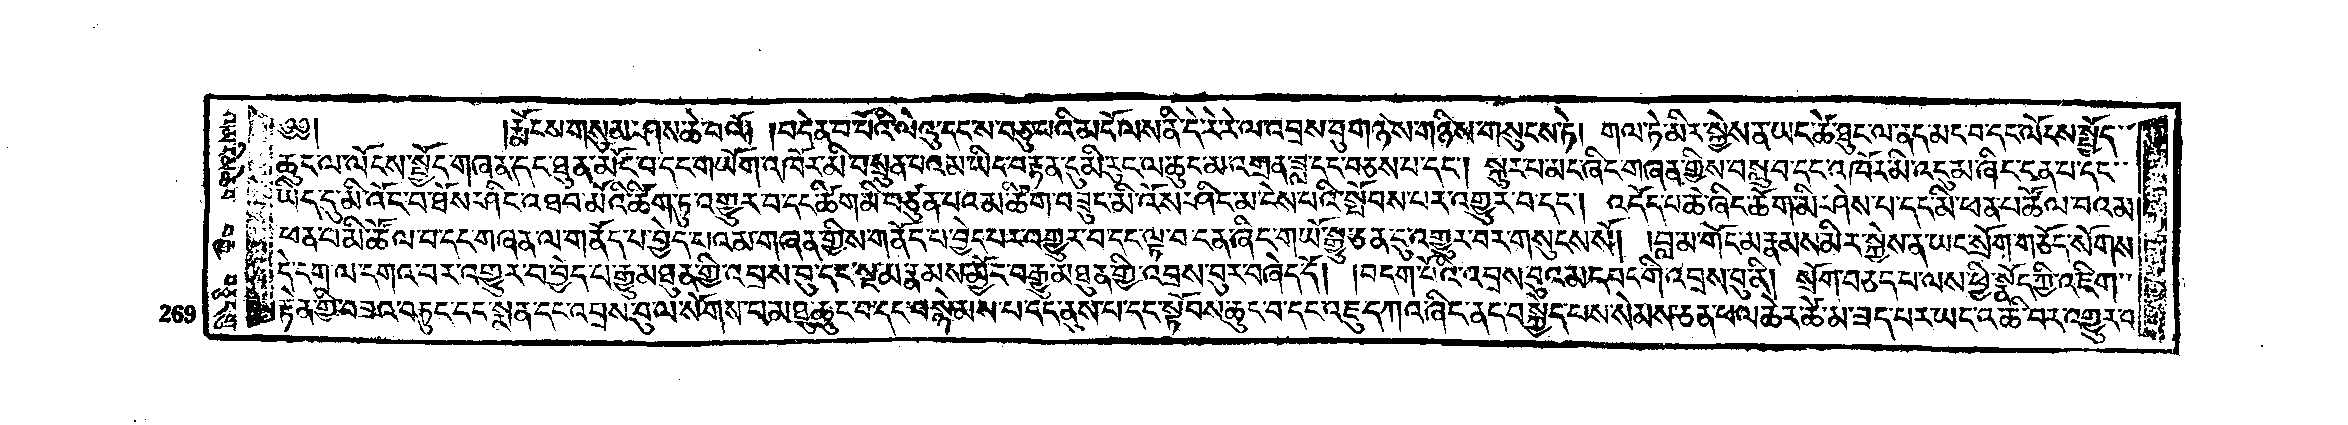༄༅། །རྨོངས་གསུམ་ཤས་ཆེ་བའོ། །བདེན་པ་པོའི་ལེའུ་དང་ས་བཅུ་པའི་མདོ་ལས་ནི་དེ་རེ་རེ་ལ་འབྲས་བུ་གཉིས་གཉིས་གསུངས་ཏེ། གལ་ཏེ་མིར་སྐྱེས་ན་ཡང་ཚེ་ཐུང་ལ་ནད་མང་བ་དང་ལོངས་སྤྱོད་
ཆུང་ལ་ལོངས་སྤྱོད་གཞན་དང་ཐུན་མོང་བ་དང་གཡོག་འཁོར་མི་བསྲུན་པའམ་ཡིད་བརྟན་དུ་མི་རུང་ལ་ཆུང་མ་འགྲན་ཟླ་དང་བཅས་པ་དང་། སྐུར་པ་མང་ཞིང་གཞན་གྱིས་བསླུ་བ་དང་འཁོར་མི་འདུམ་ཞིང་ངན་པ་དང་
ཡིད་དུ་མི་འོང་བ་ཐོས་ཤིང་འཐབ་མོའི་ཚིག་ཏུ་འགྱུར་བ་དང་ཚིག་མི་བཙུན་པའམ་ཚིག་བཟུང་མི་འོས་ཤིང་མ་ངེས་པའི་སྤོབས་པར་འགྱུར་བ་དང་། འདོད་པ་ཆེ་ཞིང་ཆོ་ག་མི་ཤེས་པ་དང་མི་ཕན་པ་ཚོལ་བའམ་
ཕན་པ་མི་ཚོལ་བ་དང་གཞན་ལ་གནོད་པ་བྱེད་པའམ་གཞན་གྱིས་གནོད་པ་བྱེད་པར་འགྱུར་བ་དང་ལྟ་བ་ངན་ཞིང་གཡོ་སྒྱུ་ཅན་དུ་འགྱུར་བར་གསུངས་སོ། །བླ་མ་གོང་མ་རྣམས་མིར་སྐྱེས་ན་ཡང་སྲོག་གཅོད་སོགས་
དེ་དག་ལ་དགའ་བར་འགྱུར་བ་བྱེད་པ་རྒྱུ་མཐུན་གྱི་འབྲས་བུ་དང་སྔ་མ་རྣམས་མྱོང་བ་རྒྱུ་མཐུན་གྱི་འབྲས་བུར་བཞེད་དོ། །བདག་པོའི་འབྲས་བུའམ་དབང་གི་འབྲས་བུ་ནི། སྲོག་བཅད་པ་ལས་ཕྱི་སྣོད་ཀྱི་འཇིག་
རྟེན་གྱི་བཟའ་བཏུང་དང་སྨན་དང་འབྲས་བུ་ལ་སོགས་པ་མཐུ་ཆུང་བ་དང་བསྙེམས་པ་དང་ནུས་པ་དང་སྟོབས་ཆུང་བ་དང་འཇུ་དཀའ་ཞིང་ནད་བསྐྱེད་པས་སེམས་ཅན་ཕལ་ཆེར་ཚེ་མ་ཟད་པར་ཡང་འཆི་བར་འགྱུར་བ་